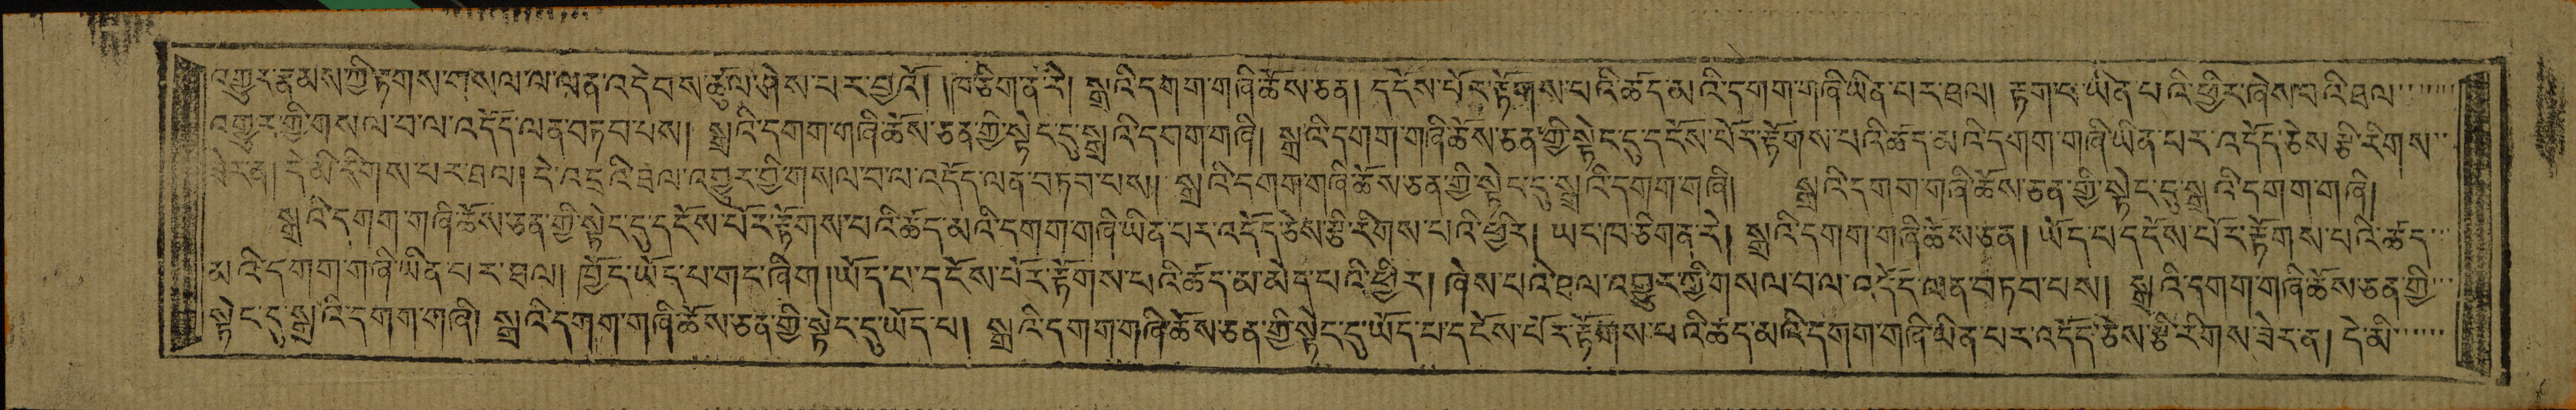འགྱུར་རྣམས་ཀྱི་རྟགས་གསལ་ལ་ལན་འདེབས་ཚུལ་ཤེས་པར་བྱའོ། །ཁ་ཅིག་ན་རེ། སྒྲའི་དགག་གཞི་ཆོས་ཅན། དངོས་པོར་རྟོགས་པའི་ཚད་མའི་དགག་གཞི་ཡིན་པར་ཐལ། རྟག་པ་ཡིན་པའི་ཕྱིར་ཞེས་པའི་ཐལ་
འགྱུར་གྱི་གསལ་བ་ལ་འདོད་ལན་བཏབ་པས། སྒྲའི་དགག་གཞི་ཆོས་ཅན་གྱི་སྟེང་དུ་སྒྲའི་དགག་གཞི། སྒྲའི་དགག་གཞི་ཆོས་ཅན་གྱི་སྟེང་དུ་དངོས་པོར་རྟོགས་པའི་ཚད་མའི་དགག་གཞི་ཡིན་པར་འདོད་ཅེས་རྩི་རིགས་
ཟེར་ན། དེ་མི་རིགས་པར་ཐལ། དེ་འདྲའི་ཐལ་འགྱུར་གྱི་གསལ་བ་ལ་འདོད་ལན་བཏབ་པས། སྒྲའི་དགག་གཞི་ཆོས་ཅན་གྱི་སྟེང་དུ་སྒྲའི་དགག་གཞི། སྒྲའི་དགག་གཞི་ཆོས་ཅན་གྱི་སྟེང་དུ་སྒྲའི་དགག་གཞི།
སྒྲའི་དགག་གཞི་ཆོས་ཅན་གྱི་སྟེང་དུ་དངོས་པོར་རྟོགས་པའི་ཚད་མའི་དགག་གཞི་ཡིན་པར་འདོད་ཅེས་རྩི་རིགས་པའི་ཕྱིར། ཡང་ཁ་ཅིག་ན་རེ། སྒྲའི་དགག་གཞི་ཆོས་ཅན། ཡོད་པ་དངོས་པོར་རྟོགས་པའི་ཚད་
མའི་དགག་གཞི་ཡིན་པར་ཐལ། ཁྱོད་ཡོད་པ་གང་ཞིག །ཡོད་པ་དངོས་པོར་རྟོགས་པའི་ཚད་མ་མེད་པའི་ཕྱིར། ཞེས་པའི་ཐལ་འགྱུར་གྱི་གསལ་བ་ལ་འདོད་ལན་བཏབ་པས། སྒྲའི་དགག་གཞི་ཆོས་ཅན་གྱི་
སྟེང་དུ་སྒྲའི་དགག་གཞི། སྒྲའི་དགག་གཞི་ཆོས་ཅན་གྱི་སྟེང་དུ་ཡོད་པ། སྒྲའི་དགག་གཞི་ཆོས་ཅན་གྱི་སྟེང་དུ་ཡོད་པ་དངོས་པོར་རྟོགས་པའི་ཚད་མའི་དགག་གཞི་ཡིན་པར་འདོད་ཅེས་རྩི་རིགས་ཟེར་ན། དེ་མི་